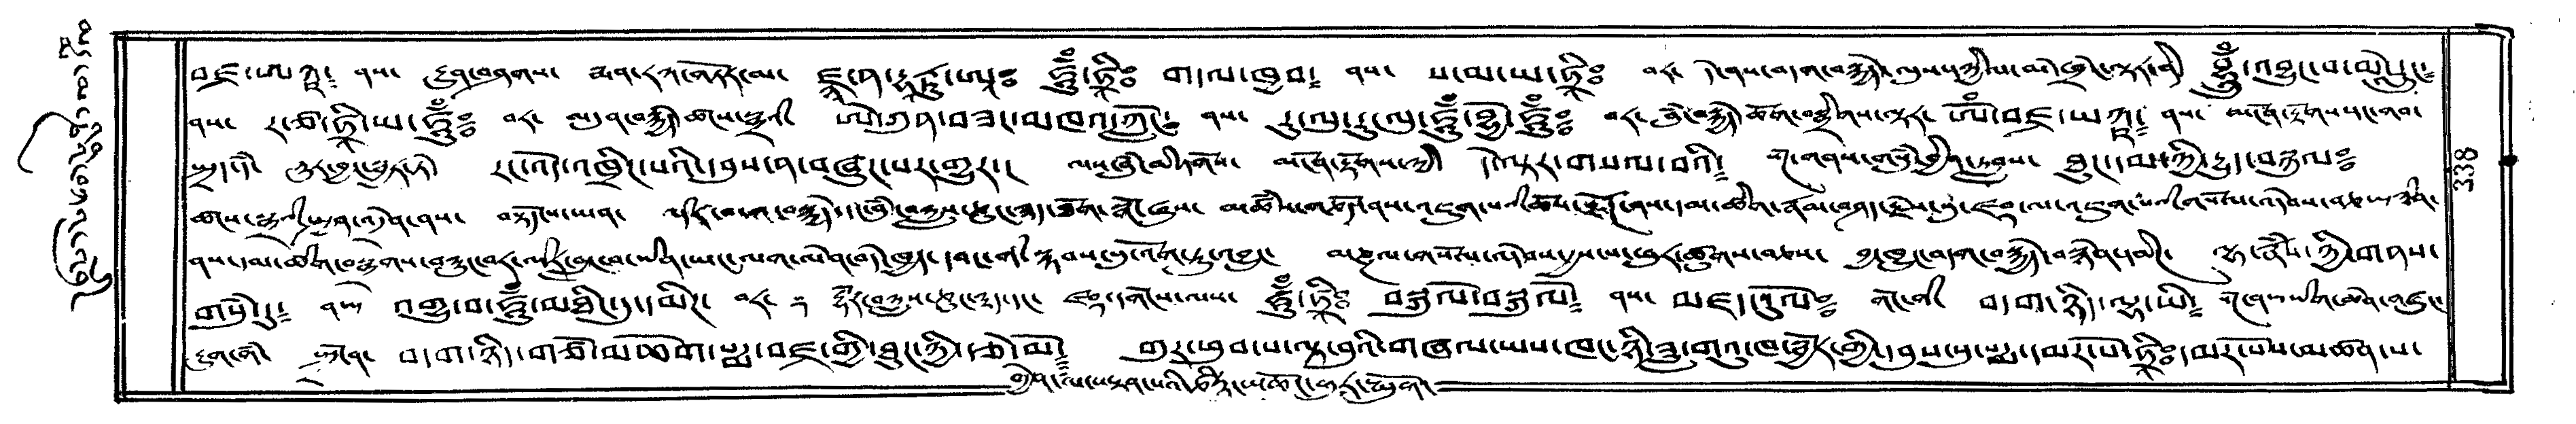བཛྲ་ཨཀྵ༴ ནས། རྒྱུན་བཤགས། སྨན་རཀ་གཏོར་མ། ཛྙཱ་ན་དྷཱརྟུ་ཨཱཿ ཧཱུྃ་ཧྲཱིཿ གདལ་ཁྱབ༴ ནས། ས་མ་ཡ་ཧྲཱིཿ བར། དེ་ནས་བདག་བསྐྱེད་ལུས་དཀྱིལ་མེ་ཕྲེང་ལྟར་ནི། བྷྲུྃ༔འབྱུང་བ་མེ་རླུང༴ 
ནས། ར་ཙ་ཧྲཱི་ཡ་ཧཱུྃ༔ བར། མདུན་བསྐྱེད་ཚངས་སྒྲའི། ཨེཿཀུན་བཟང་མཁའ་ཀློང༴ ནས། རུ་ལུ་རུ་ལུ་ཧཱུྃ་བྷྱོ་ཧཱུྃ༔ བར། བུམ་བསྐྱེད་ཆོག་བསྒྲིགས་ལྟར། ཨོཾ་བཛྲ་ཡཀྵ༴ ནས། མངོན་རྟོགས་དང་གབ་
སྤྲད་དམ། ཟུར་བྱང་སྦྱར་ཏེ། རང་འོད་འཁྲིགས་པའི་དབུས་ན་བཞུགས་པར་གྱུར། ལས་བུམ་མི་དགོས། མངོན་རྟོགས་ཀྱི། དེ་ལྟར་གསལ་བའི༴ སོགས་གནས་གསུམ་བྱིན་རླབས། ཐུགས་དམ་ཀྱི་རྒྱུད་བསྐུལ༔ 
ཚངས་སྒྲའི་སྤྱན་འདྲེན་ནས། བསྟོད་པ་ཡན། འདིར་བདག་བསྐྱེད་དང་བུམ་བཟླས་ཅུང་ཟད་ཐོག་སྒོ་ཞུས། མཚམས་གཅོད་ནས་འཇུག་པའི་ཆོས་རྫོགས་ནས་དམ་ཚིག་རྣམ་བཤད་རྗེས་སུ་ཛཔྲ་ལ་འཇུག་པའི་གསོལ་འདེབས་བཅས་ཟིན་
ནས་དམ་ཚིག་བསྒྲགས།བཟུང་བར་འདིར་བླང་བ་ཡིན་ཡང་ལག་ལེན་བདེ་ཁྱད་ཀྱི་དབང་གིས་སྐབས་སུ་འོག་ཏུ་འབྱུང་། མཎྜལ་གསོལ་འདེབས་རྒྱས་པ་ཕུར་ཚུགས་བཅས། བྱ་ཁྱུང་བདག་བསྐྱེད་བསྙེན་དམིགས། ལྷ་རྣམས་ཀྱི་གནས་
གསུམ་དུ༴ ནས། འགྱུར་བ་ཧཱུྃ་མཐིང་དུ་དམིགས༴ བར། རྡོར་བཟླས་ཅུང་ཟད་དང་། ཛཔྲ་དགོངས་ལས། ཧཱུྃ་ཧྲཱིཿ བསྐུལ་ལོ་བསྐུལ་ལོ༴ ནས། མཛད་དུ་གསོལ༔ གིང་གི བདག་ཉིད་ལྷ་ཡི༴ སོགས་ནས་ཡིག་ཆེན་གཞུང་
རྒྱུག་གམ། སྤྲོ་ན། བདག་ཉིད་གཙོ་མཆོག་པདྨ་བཛྲ་གྱི་ཐུགས་ཀྱི་རྩེ་མོ༴ གུར་ཕུབ་པ་ལྟ་བུའི་གཞལ་ཡས་ཁང་ཉི་ཟླ་གའུ་ཁ་སྦྱོར་གྱི་དབུས་སུ་པདྨ་དམར་པོ་ཧྲཱིཿདམར་པོས་མཚན་པ་